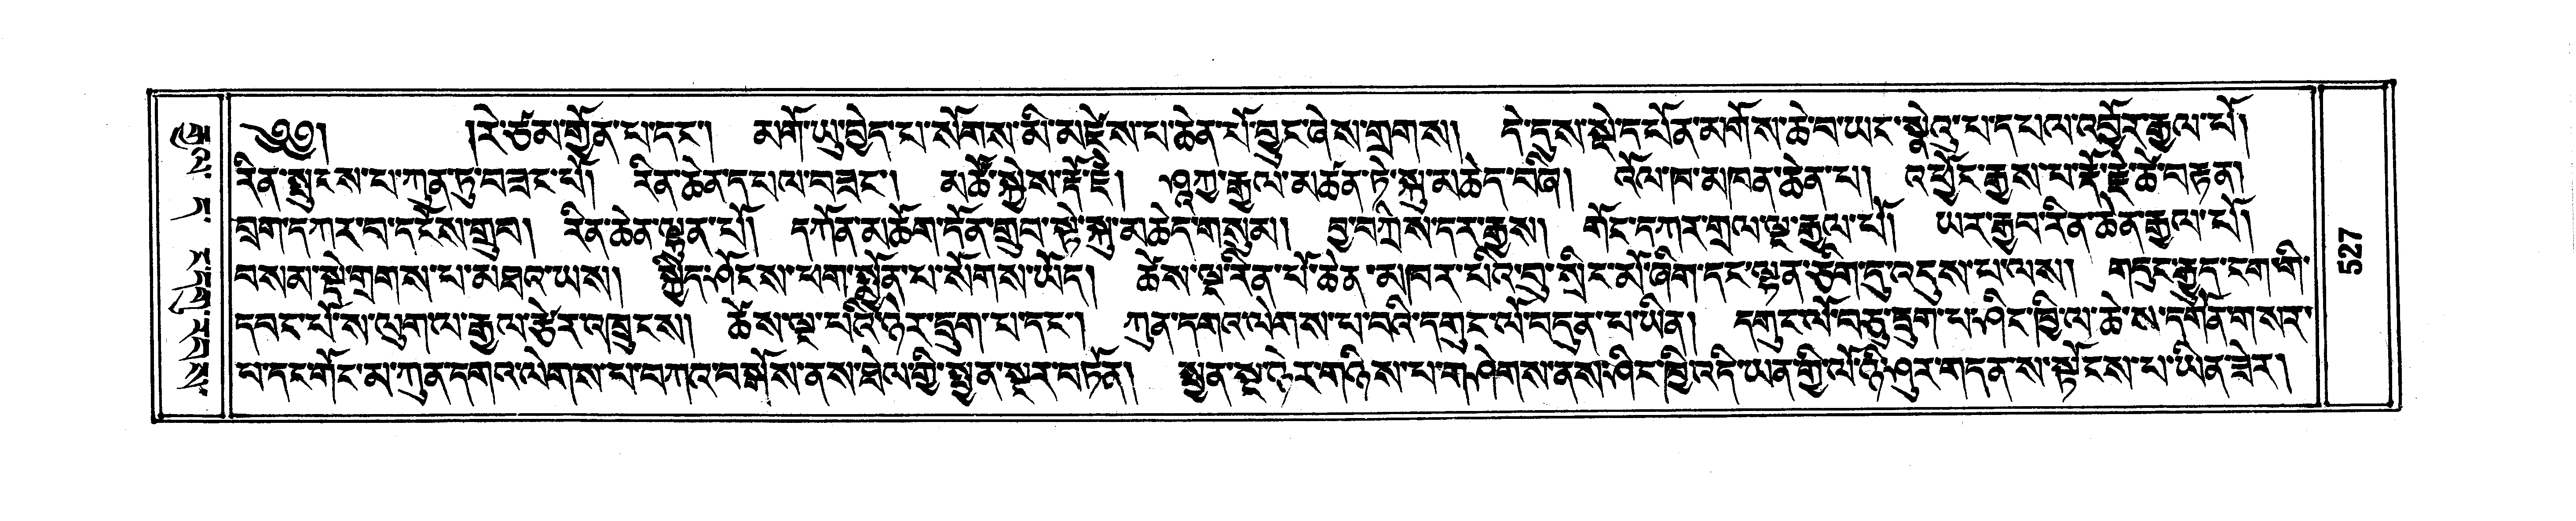༄༅། །རེ་ཙམ་གྱོན་པ་དང་། མགོ་ཡུ་བྱེད་པ་སོགས་མི་མཛེས་པ་ཆེན་པོ་བྱུང་ཞེས་གྲགས། དེ་དུས་སྡེ་དཔོན་མགོས་ཆེ་བ་ཡང་སྣེའུ་པ་དཔལ་འབྱོར་རྒྱལ་པོ།
རིན་སྤུངས་པ་ཀུན་ཏུ་བཟང་པོ། རིན་ཆེན་དཔལ་བཟང་། མཚོ་སྐྱེས་རྡོ་རྗེ། ཤཱཀྱ་རྒྱལ་མཚན་ཏེ་སྐུ་མཆེད་བཞི། འོལ་ཁ་མཁན་ཆེན་པ། འཕྱོང་རྒྱས་པ་རྡོ་རྗེ་ཚེ་བརྟན།
བྲག་དཀར་བ་དངོས་གྲུབ། རིན་ཆེན་ལྷུན་པོ། དཀོན་མཆོག་དོན་གྲུབ་སྟེ་སྐུ་མཆེད་གསུམ། བྱ་བཀྲིས་དར་རྒྱས། གོང་དཀར་གྲལ་ལྔ་རྒྱལ་པོ། ཡར་རྒྱབ་རིན་ཆེན་རྒྱལ་པོ།
བསམ་སྡེ་གྲགས་པ་མཐའ་ཡས། སྐྱིད་ཤོངས་ཕག་སྨྱོན་པ་སོགས་ཡོད། ཚེས་ལྔ་རིན་པོ་ཆེན་མཁར་པའི་བུ་སྲིང་མོ་ཞིག་དང་ལྷན་ཅིག་དུ་འདུས་པ་ལས། གདུང་རྒྱུད་ངག་གི་
དབང་པོ་ས་ལུག་ལ་རྒྱལ་རྩེར་འཁྲུངས། ཚེས་ལྔ་པའི་ཉེར་དྲུག་པ་དང་། ཀུན་དགའ་ལེགས་པ་བའི་དགུང་ལོ་བདུན་པ་ཡིན། དགུང་ལོ་བཅུ་དྲུག་པ་ཤིང་ཁྱི་ལ་ཆེ་ས་དགོན་གསར་
པ་དང་གོང་མ་ཀུན་དགའ་ལེགས་པ་བཀའ་བསྒོས་ནས་ཐེལ་གྱི་སྤྱན་སྔར་བཏོན། སྤྱན་སྔ་ཉེར་གཉིས་པ་གཤེགས་ནས་ཤིང་ཁྱི་འདི་ཡན་གྱི་ལོ་ཉི་ཤུར་གདན་ས་སྟོངས་པ་ཡིན་ཟེར།